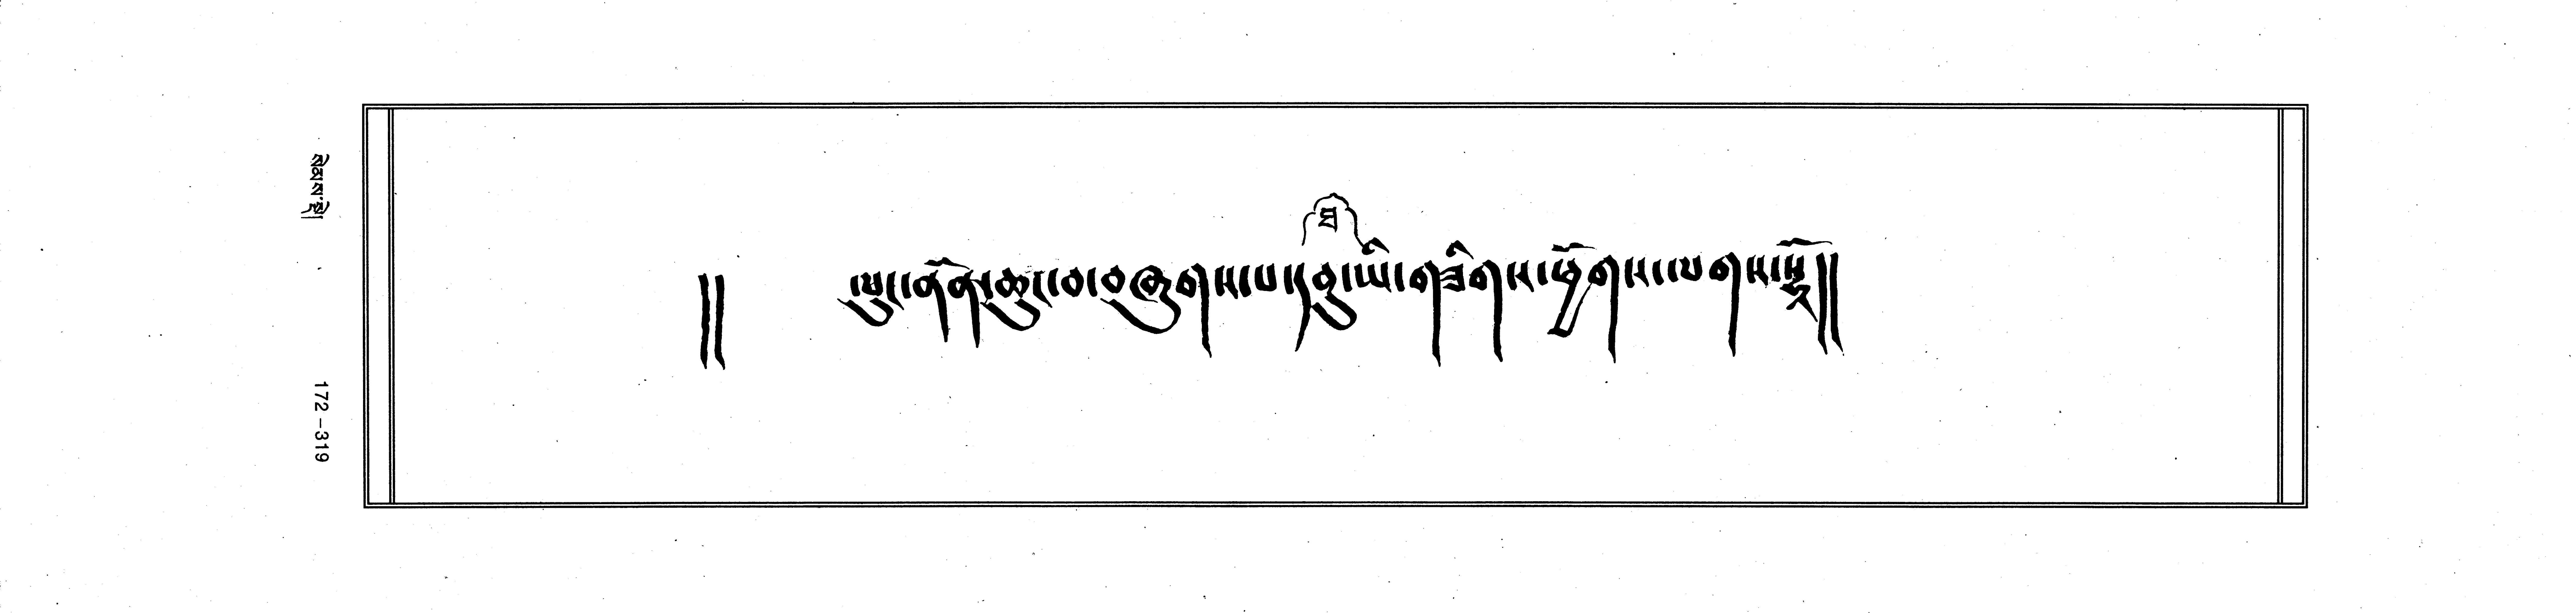།། ལུང་ནོན་ཆུང་བ་བཞུགས་པ་དབུ་ཡི་གཟིགས་ཕྱོགས་ལགས་སྷཱོ།།